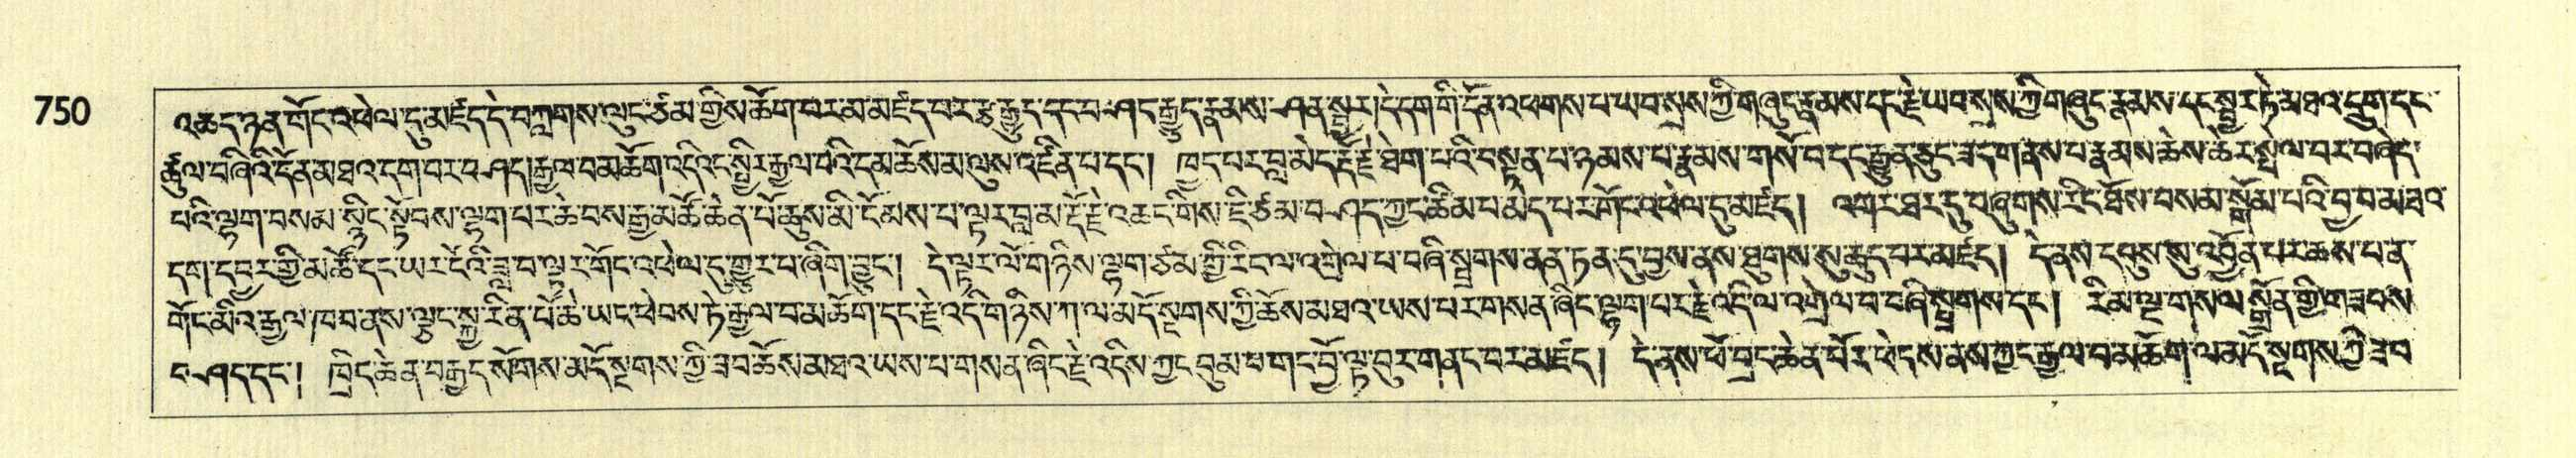འཆད་ཉན་གོང་འཕེལ་དུ་མཛད་དེ་བཀླགས་ལུང་ཙམ་གྱིས་ཆོག་བར་མ་མཛད་བར་རྩ་རྒྱུད་དང་བ་ཤད་རྒྱུད་རྣམས་ཤན་སྦྱར། དེ་དག་གི་དོན་འཕགས་པ་ཡབ་སྲས་ཀྱི་གཞུང་རྣམས་དང་རྗེ་ཡབ་སྲས་ཀྱི་གཞུང་རྣམས་དང་སྦྱར་ཏེ་མཐའ་དྲུག་
དང་ཚུལ་བཞི་དོན་མཐའ་དག་བར་བཤད། རྒྱལ་བ་མཆོག་འདིའང་སྤྱིར་རྒྱལ་བའི་དམ་ཆོས་མ་ལུས་འཛིན་པ་དང་། ཁྱད་པར་བླ་མེད་རྡོ་རྗེ་ཐེག་པའི་བསྟན་པ་ཉམས་པ་རྣམས་གསོ་བ་དང་རྒྱུན་ཅུང་ཟད་གནས་པ་རྣམས་ཆེས་ཆེར་སྤེལ་བར་བཞེད་
པའི་ལྷག་བསམ་སྙིང་སྟོབས་ལྷག་པར་ཆེ་བས་རྒྱ་མཚོ་ཆེན་པོ་ཆུས་མི་ངོམས་པ་ལྟར་བླ་མ་རྡོ་རྗེ་འཆང་གིས་ཇི་ཙམ་བཤད་ཀྱང་ཚིམ་བ་མེད་པར་གོང་འཕེལ་དུ་མཛད། འགར་ཐར་དུ་བཞུགས་རིང་ཐོས་བསམ་སྒོམ་པའི་བྱ་བ་མཐའ་
དག་དབྱར་གྱི་མཚོ་དང་ཡར་ངོའི་ཟླ་བ་ལྟར་གོང་འཕེལ་དུ་གྱུར་པ་ཞིག་བྱུང་། དེ་ལྟར་ལོ་གཉིས་ལྷག་ཙམ་གྱི་རིང་ལ་འགྲེལ་པ་བཞི་སྦྲགས་ནན་ཏན་དུ་བྱས་ནས་ཐུགས་སུ་ཆུད་པར་མཛད། དེ་ནས་དབུས་སུ་འབྱོན་པར་ཆས་པ་ན་
གོང་མི་རྒྱལ་ཁབ་ནས་ལྕང་སྐྱ་རིན་པོ་ཆེ་ཡང་ཕེབས་ཏེ་རྒྱལ་བ་མཆོག་དང་རྗེ་འདི་གཉིས་ཀ་ལ་མདོ་སྔགས་ཀྱི་ཆོས་མཐའ་ཡས་པར་གསན་ཞིང་ལྷག་པར་རྗེ་འདི་ལ་འགྲེལ་བ་བཞི་སྦྲགས་དང་། རིམ་ལྔ་གསལ་སྒྲོན་གྱི་གཟབས་
བཤད་དང་། ཁྲིད་ཆེན་བརྒྱད་སོགས་མདོ་སྔགས་ཀྱི་ཟབ་ཆོས་མཐའ་ཡས་པ་གསན་ཞིང་རྗེ་འདིས་ཀྱང་བུམ་པ་གང་བྱོ་ལྟ་བུར་གནང་བར་མཛད། དེ་ནས་ཕོ་བྲང་ཆེན་པོར་ཕེངས་ནས་ཀྱང་རྒྱལ་བ་མཆོག་ལ་མདོ་སྔགས་ཀྱི་ཟབ་